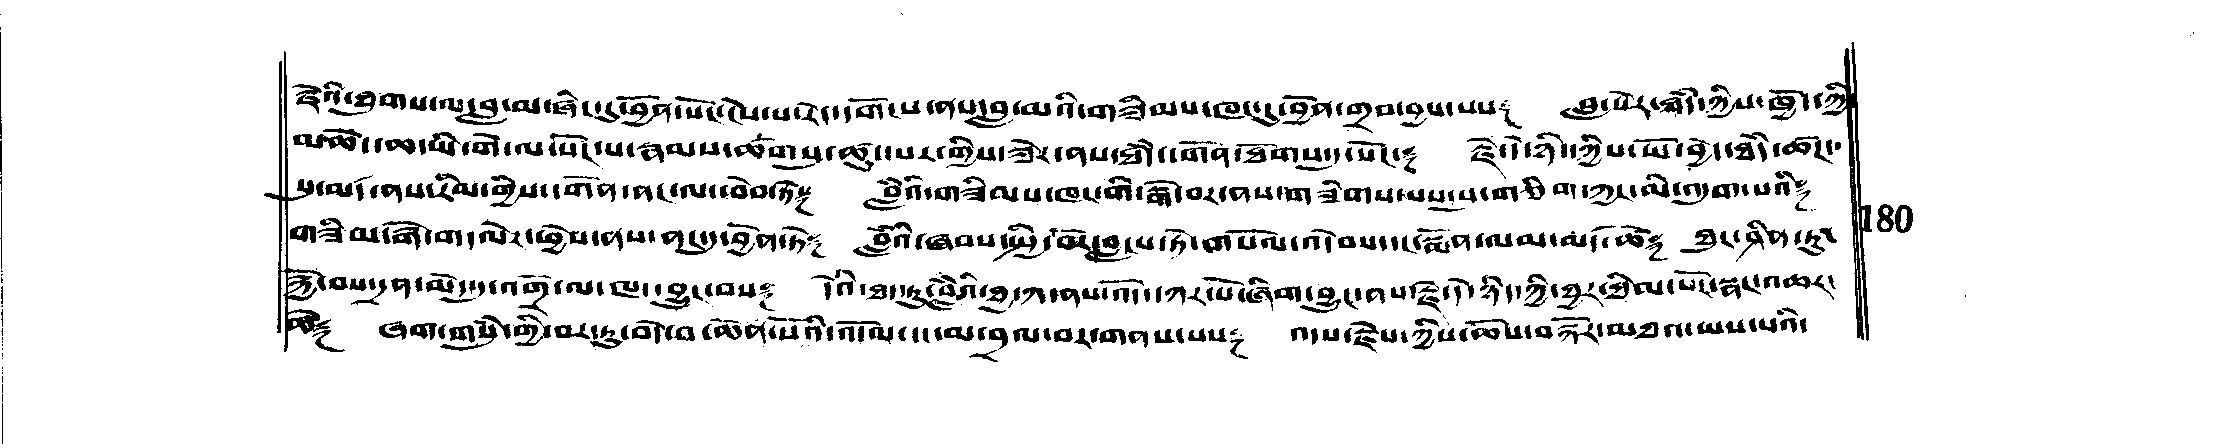རྗེའི་ཐུགས་ལ་བླ་མ་ཞིང་དུ་བྱོན་སོང་ངེས་པ་རེད་དགོངས་ནས་བླ་མའི་གཟིམས་ཁང་དུ་བྱོན་གྲབ་བྱས་པས། བླ་སེར་ཐམས་ཅད་ཀྱིས་ཁྱོད་ཀྱིས་
མཆོད་ཆ་ཡི་གེ་ལ་སོགས་པ་རྣམས་ཚགས་སུ་ཚུད་པར་གྱིས་ཟེར་ནས་ཐམས་ཅད་དགོན་ཐོགས་དུ་སོང་། རྗེ་དེ་ཉིད་ཀྱི་ཡོ་བྱེད་ཐམས་ཅད་ཚགས་
སུ་མཛད་ནས་རིམ་གྱིས་དགོན་ནང་ལ་ཕེབས་ཏེ། བླ་མའི་གཟིམས་ཁང་གི་སྒོ་བར་ནས་གཟིགས་པས་སུ་གཅིག་ཀྱང་མི་འདུག་པའི། 
གཟིམ་སྒོ་ག་ལེར་ཕྱེས་ནས་ནང་དུ་བྱོན་ཏེ། བླ་མའི་ཞབས་སྤྱི་བོར་བླངས་ཏེ་གསོལ་འདེབས་དང་སྨོན་ལམ་མཛད་ཚེ། ཐུགས་ཤིན་ཏུ་
སྐྱོ་བས་དྲན་མེད་དུ་འགྲོ་ལ་ཁད་བྱུང་བས། དེའི་ཐད་དུ་བླ་མའི་ཐུགས་ཀ་ནས་འོད་དཀར་པོ་ཞིག་བྱུང་ནས་རྗེ་དེ་ཉིད་ཀྱི་ཐུགས་ཀར་ཐིམ་སོང་སྣང་འཆར་
ཚེ། ཞག་གསུམ་གྱི་བར་དུ་བདེ་བ་ཆེན་པོའི་འོད་གསལ་དང་མ་བྲལ་བར་གནས་པས། འདས་རྗེས་ཀྱིས་ཆོས་བསྐོར་མཐའ་ཡས་པའི་